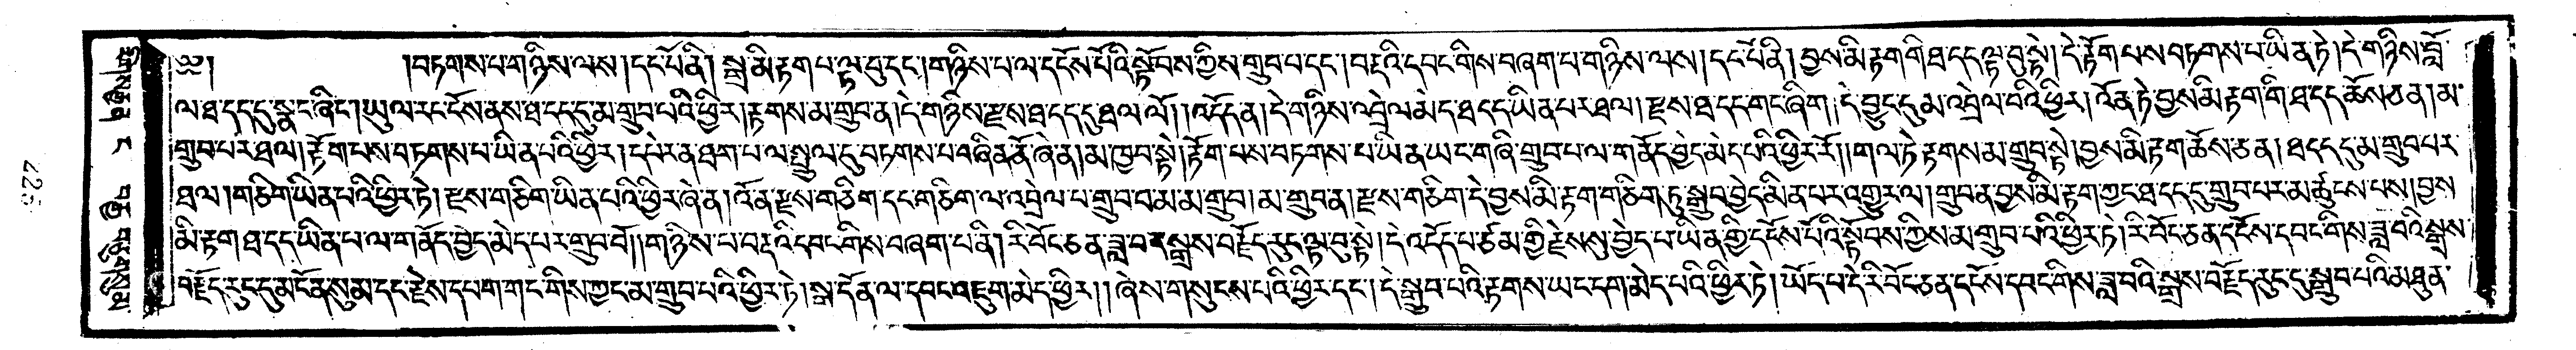༄༅། །བཏགས་པ་གཉིས་ལས། དང་པོ་ནི། སྒྲ་མི་རྟག་པ་ལྟ་བུ་དང་། གཉིས་པ་ལ་དངོས་པོའི་སྟོབས་ཀྱིས་གྲུབ་པ་དང་། བརྡའི་དབང་གིས་བཞག་པ་གཉིས་ལས། དང་པོ་ནི། བྱས་མི་རྟག་གི་ཐ་དད་ལྟ་བུ་སྟེ། དེ་རྟོག་པས་བཏགས་པ་ཡིན་ཏེ། དེ་གཉིས་བློ་
ལ་ཐ་དད་དུ་སྣང་ཞིང་། ཡུལ་རང་ངོས་ནས་ཐ་དད་དུ་མ་གྲུབ་པའི་ཕྱིར། རྟགས་མ་གྲུབ་ན། དེ་གཉིས་རྫས་ཐ་དད་དུ་ཐལ་ལོ། །འདོད་ན། དེ་གཉིས་འབྲེལ་མེད་ཐ་དད་ཡིན་པར་ཐལ། རྫས་ཐ་དད་གང་ཞིག །དེ་བྱུང་དུ་མ་འབྲེལ་པའི་ཕྱིར། འོན་ཏེ་བྱས་མི་རྟག་གི་ཐ་དད་ཆོས་ཅན། མ་
གྲུབ་པར་ཐལ། རྟོག་པས་བཏགས་པ་ཡིན་པའི་ཕྱིར། དཔེར་ན་ཐག་པ་ལ་སྦྲུལ་དུ་བཏགས་པ་བཞིན་ནོ་ཞེ་ན། མ་ཁྱབ་སྟེ། རྟོག་པས་བཏགས་པ་ཡིན་ཡང་གཞི་གྲུབ་པ་ལ་གནོད་བྱེད་མེད་པའི་ཕྱིར་རོ། །གལ་ཏེ་རྟགས་མ་གྲུབ་སྟེ། བྱས་མི་རྟག་ཆོས་ཅན། ཐ་དད་དུ་མ་གྲུབ་པར་
ཐལ། གཅིག་ཡིན་པའི་ཕྱིར་ཏེ། རྫས་གཅིག་ཡིན་པའི་ཕྱིར་ཞེ་ན། འོ་ན་རྫས་གཅིག་དང་གཅིག་ལ་འབྲེལ་པ་གྲུབ་བམ་མ་གྲུབ། མ་གྲུབ་ན། རྫས་གཅིག་དེ་བྱས་མི་རྟག་གཅིག་ཏུ་སྒྲུབ་བྱེད་མིན་པར་འགྱུར་ལ། གྲུབ་ན་བྱས་མི་རྟག་ཀྱང་ཐ་དད་དུ་གྲུབ་པར་མཚུངས་པས། བྱས་
མི་རྟག་ཐ་དད་ཡིན་པ་ལ་གནོད་བྱེད་མེད་པར་གྲུབ་བོ། །གཉིས་པ་བརྡའི་དབང་གིས་བཞག་པ་ནི། རི་བོང་ཅན་ཟླ་བའི་སྒྲས་བརྗོད་རུང་ལྟ་བུ་སྟེ། དེ་འདོད་པ་ཙམ་གྱི་རྗེས་སུ་བྱེད་པ་ཡིན་གྱི་དངོས་པོའི་སྟོབས་ཀྱིས་མ་གྲུབ་པའི་ཕྱིར་ཏེ། རི་བོང་ཅན་དངོས་དབང་གིས་ཟླ་བའི་སྒྲས་
བརྗོད་རུང་དུ་མངོན་སུམ་དང་རྗེས་དཔག་གང་གིས་ཀྱང་མ་གྲུབ་པའི་ཕྱིར་ཏེ། སྒྲ་དོན་ལ་དབང་འཇུག་མེད་ཕྱིར། །ཞེས་གསུངས་པའི་ཕྱིར་དང་། དེ་སྒྲུབ་པའི་རྟགས་ཡང་དག་མེད་པའི་ཕྱིར་ཏེ། ཡོད་པ་དེ་རི་བོང་ཅན་དངོས་དབང་གིས་ཟླ་བའི་སྒྲས་བརྗོད་རུང་དུ་སྒྲུབ་པའི་མཐུན་